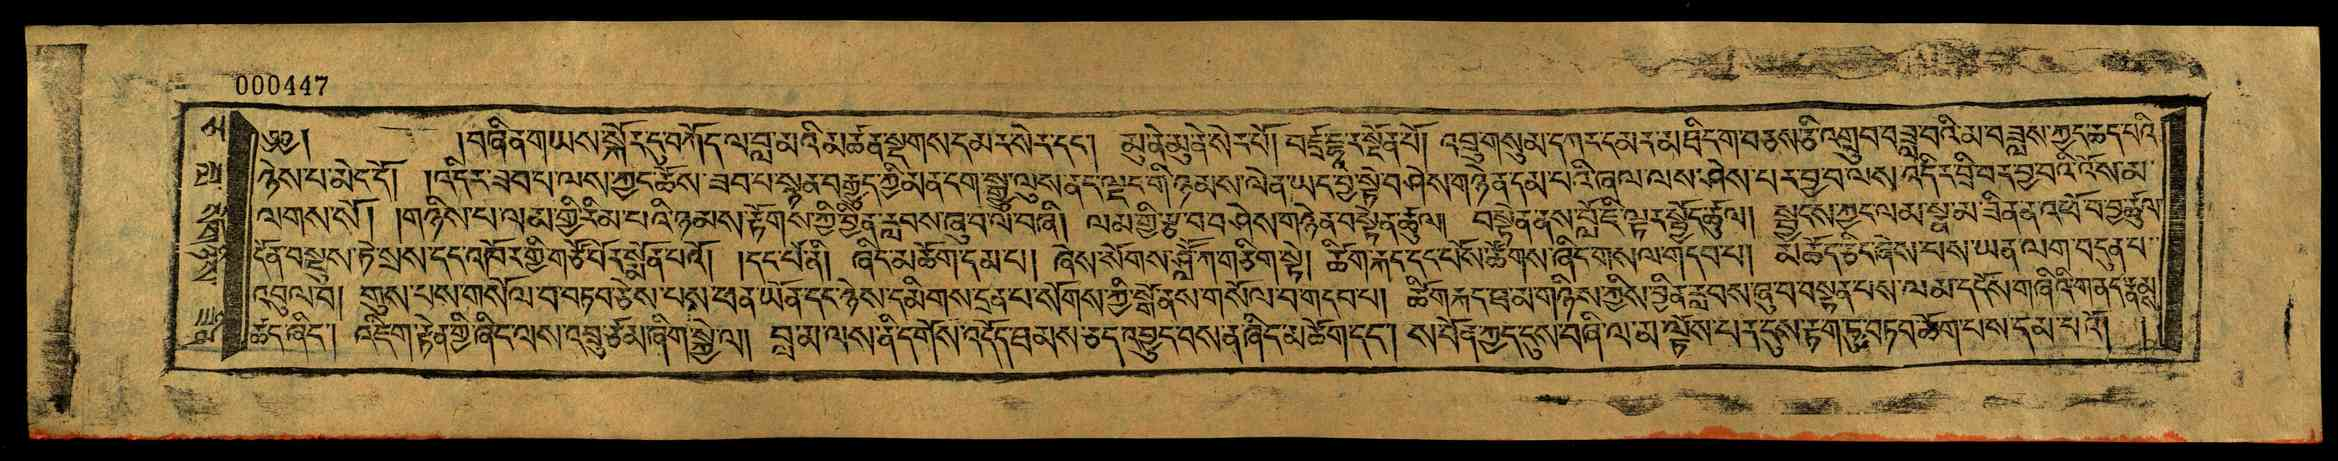༄༅། །བཞིན་གཡས་སྐོར་དུ་བཀོད་ལ་བླ་མའི་མཚན་སྔགས་དམར་སེར་དང་། མུ་ནེ་མུ་ནེ་སེར་པོ། བཛྲ་དྷཱ་ར་སྔོན་པོ། འབྲུ་གསུམ་དཀར་དམར་མཐིང་ག་བཅས་ཅི་འགྲུབ་བཟླ་བའི་མ་བཟླས་ཀྱང་ཆད་པའི་
ཉེས་པ་མེད་དོ། །འདིར་ཟབ་པ་ལས་ཀྱང་ཆེས་ཟབ་པ་སྙན་བརྒྱུད་ཀྱི་མན་ངག་སྒྱུ་ལུས་ནང་ལྡང་གི་ཉམས་ལེན་ཡང་བྱ་སྟེ་བཤེས་གཉེན་དམ་པའི་ཞལ་ལས་ཤེས་པར་བྱ་བ་ལས་འདིར་བྲི་བར་བྱ་བའི་འོས་མ་
ལགས་སོ། །གཉིས་པ་ལམ་གྱི་རིམ་པའི་ཉམས་རྟོགས་ཀྱི་བྱིན་རླབས་ཞུ་བ་ལ་བཞི། ལམ་གྱི་རྩ་བ་བཤེས་གཉེན་བསྟེན་ཚུལ། བསྟེན་ནས་བློ་ཇི་ལྟར་སྦྱོང་ཚུལ། སྦྱངས་ཀྱང་ལམ་སྣ་མ་ཟིན་ན་འཕོ་བ་བྱ་ཚུལ།
དོན་བསྡུས་ཏེ་སྲས་དང་འཁོར་གྱི་གཙོ་བོར་སྨོན་པའོ། །དང་པོ་ནི། ཞིང་མཆོག་དམ་པ། ཞེས་སོགས་ཤླཽ་ཀ་གཅིག་སྟེ། ཚིག་རྐང་དང་པོས་ཚོགས་ཞིང་གསལ་གདབ་པ། མཆོད་ཅིང་ཞེས་པས་ཡན་ལག་བདུན་པ་
འབུལ་བ། གུས་པས་གསོལ་བ་བཏབ་ཅེས་པས་ཕན་ཡོན་དང་ཉེས་དམིགས་དྲན་པ་སོགས་ཀྱི་སྒོ་ནས་གསོལ་བ་གདབ་པ། ཚིག་རྐང་ཐ་མ་གཉིས་ཀྱིས་བྱིན་རླབས་ཞུ་བ་བསྟན་པས་ལམ་དངོས་གཞིའི་གནད་རྣམས་
ཚང་ཞིང་། འཇིག་རྟེན་གྱི་ཞིང་ལས་འབྲུ་ཙམ་ཞིག་སྐྱེ་ལ། བླ་མ་ལས་ནི་དགོས་འདོད་ཐམས་ཅད་འབྱུང་བས་ན་ཞིང་མཆོག་དང་། ས་བོན་ཀྱང་དུས་བཞི་ལ་མ་ལྟོས་པར་དུས་རྟག་ཏུ་བཏབ་ཆོག་པས་དམ་པའོ། །